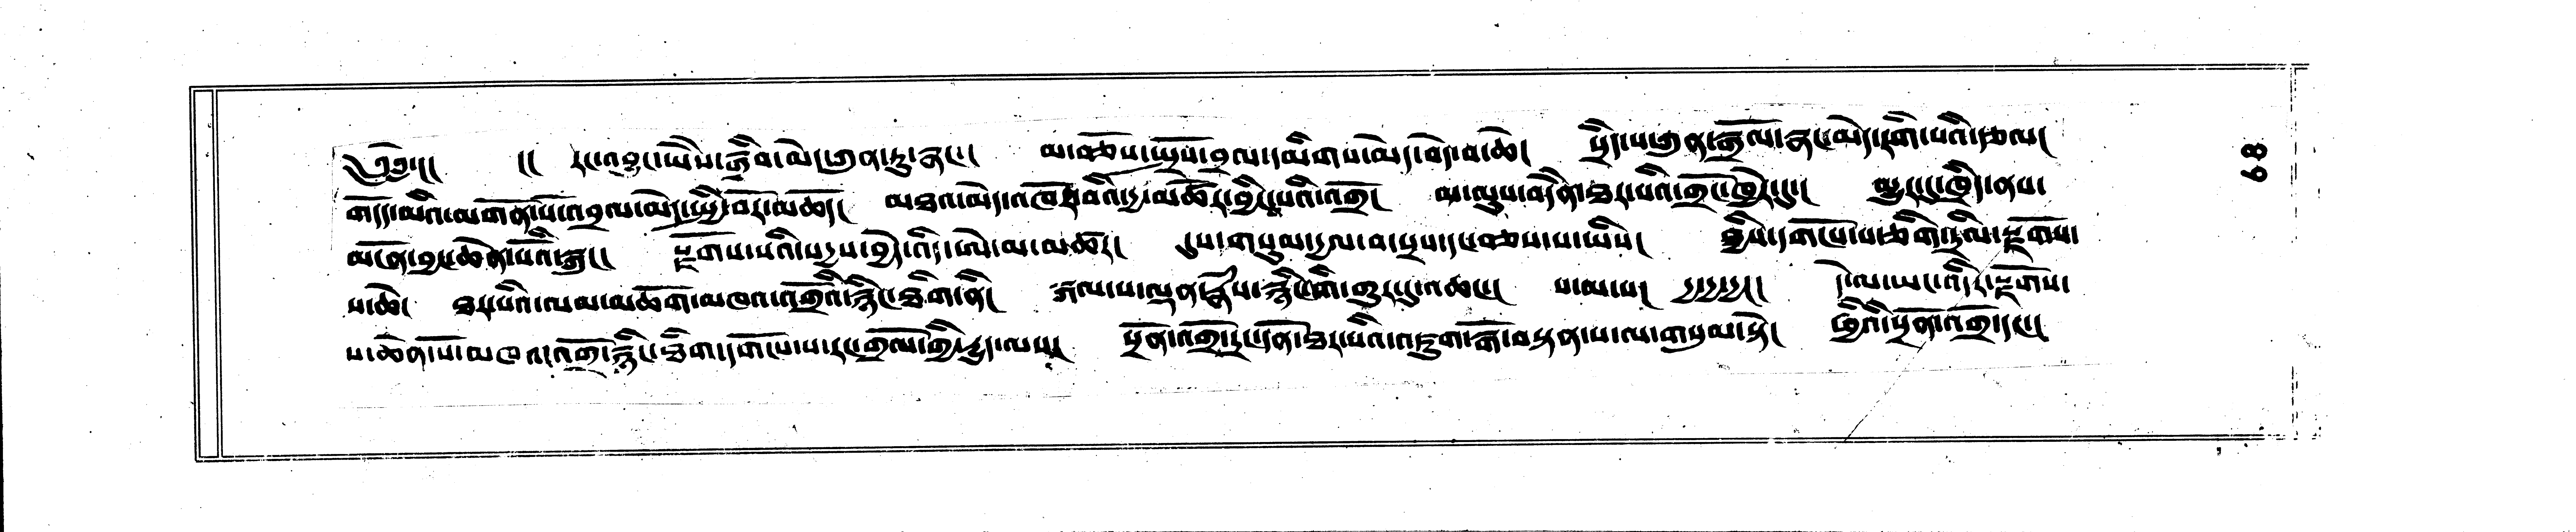༄༅།། །།རང་བྱུང་ཡེ་ཤེས་སྒྲིབ་མེད་ཀུན་ཏུ་སྣང་། །མ་བཅོས་སྤྲོས་བྲལ་དམིགས་མེད་བདེ་བ་ཆེ། །སྲིད་པ་ཀུན་སྒྲོལ་སྣང་མེད་རིག་པའི་རྩལ། །
གདོད་མའི་མགོན་པོ་འབྲལ་མེད་སྤྱི་བོར་མཆོད། །མཐའ་མེད་འཁོར་བའི་རྒྱ་མཚོར་བྱིངས་པའི་འགྲོ། །མ་ལུས་བདེ་ཆེན་ཐར་པའི་གྲོང་ཁྱེར་དུ། །མྱུར་དུ་ཁྲིད་ནས་
མངོན་བྱང་ཆེན་པོའི་སྐུ། །རྫོགས་པའི་སངས་རྒྱས་བྱེད་འདི་ཨེ་མ་མཚར། །དུས་གསུམ་རྒྱལ་བ་སྲས་དང་བཅས་པ་ཡིས། །ཐུགས་ཀྱི་དགོངས་པ་གཅིག་དྲིལ་རྫོགས་
པ་ཆེ། །ཐར་པའི་ལམ་མཆོག་མཁའ་འགྲོའི་སྙིང་ཐིག་ནི། །སྐལ་པ་ལྡན་རྣམས་སྙིང་གི་གུར་དུ་འཆང་། །ས་མ་ཡ། རྒྱ་རྒྱ་རྒྱ། དེ་ལ་ཡང་འདིར་རྫོགས་
པ་ཆེན་པོ་མཁའ་འགྲོ་སྙིང་ཐིག་དགོངས་པ་རང་གྲོལ་གྱི་རྒྱུད་ལས། སྔོན་འགྲོ་དྲང་དོན་ཐར་པའི་འཇུག་སྒོ་བསྟན་པ་ལ་གསུམ་སྟེ། ཕྱིའི་སྔོན་འགྲོ་དང་།